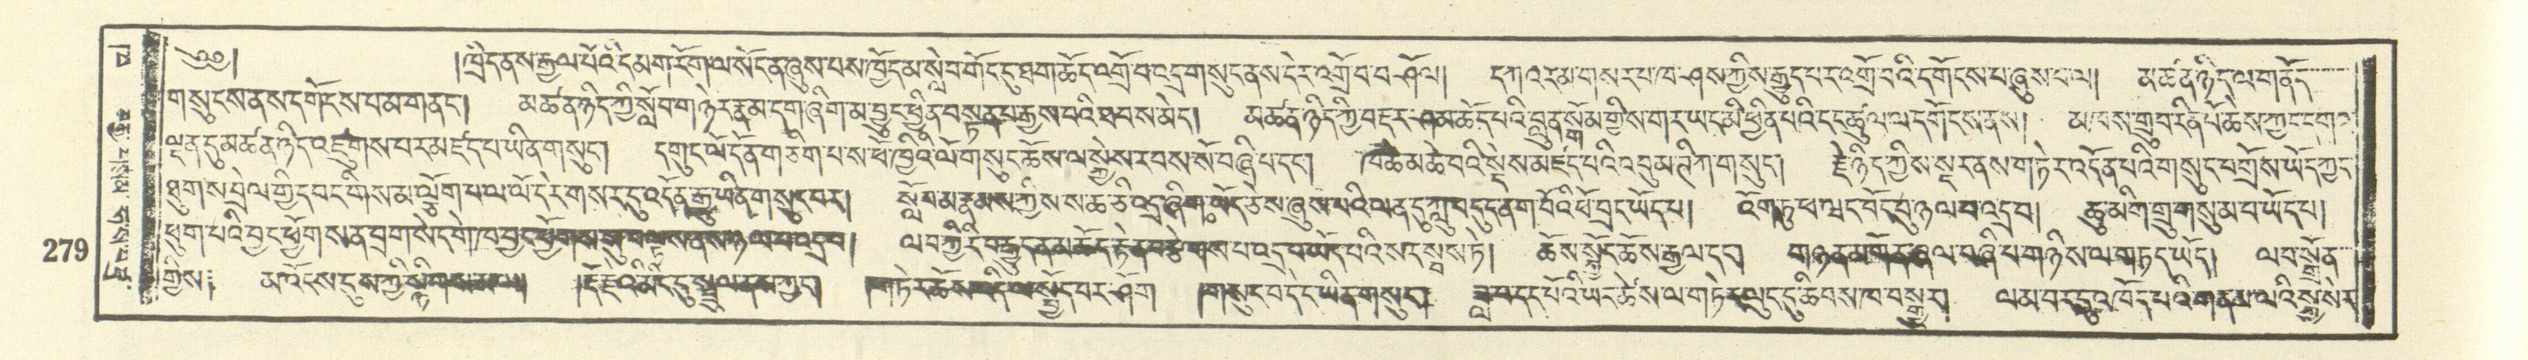༄༅། །ཁྲིད་ནས་རྒྱལ་པོའི་དམག་རོག་ལ་སོང་ན་ཞུས་པས་ཁྱོད་མ་སླེབ་གོང་དུ་ཐག་ཆོད་འགྲོ་བ་འདྲ་གསུང་ནས་དེར་འགྲོ་བ་བཤོལ། དཀའ་རམ་གསར་པ་ཁ་ཤས་ཀྱིས་རྒྱུད་པར་འགྲོ་བའི་དགོངས་པ་ཞུས་པ་ལ། མཚན་ཉིད་ལ་གནོད་
གསུངས་ནས་དགོངས་པ་མ་གནང་། མཚན་ཉིད་ཀྱི་སློབ་གཉེར་རྣམ་དག་ཞིག་མ་བྱུང་ཕྱིན་བསྟན་པ་རྒྱས་པའི་ཐབས་མེད། མཚན་ཉིད་ཀྱི་བརྡར་ཤམ་ཆོད་པའི་བླུན་སྒོམ་གྱིས་གར་ཡང་མི་ཕྱིན་པའི་དང་ཚུལ་ལ་དགོངས་ནས། མཁས་གྲུབ་རིན་པོ་ཆེས་ཀྱང་དགའ་
ལྡན་དུ་མཚན་ཉིད་འཛུགས་པར་མཛད་པ་ཡིན་གསུང་། དགུང་ལོ་དོན་གཅིག་པ་ས་པོ་ཁྱིའི་ལོ་གསུང་ཆོས་ལ་སྐྱེས་རབས་སོ་བཞི་པ་དང་། ཁ་ཆེ་མཆེ་བའི་སྡེས་མཛད་པའི་འབུམ་ཊིཀ་གསུང་། རྗེ་ཉིད་ཀྱིས་སྔར་ནས་གཏེར་འདོན་པའི་གསུང་བགྲོས་ཡོད་ཀྱང་
ཐུགས་བྲེལ་གྱི་དབང་གིས་མ་ལྕོག་པ་ལ་ལོ་དེར་གསར་དུ་འདོན་རྒྱུ་ཡིན་གསུང་བར། སློབ་མ་རྣམས་ཀྱིས་ས་ཆ་ཅི་འདྲ་ཞིག་ཡོད་ཅེས་ཞུས་པའི་ལན་དུ་ཀླུ་བདུད་ནག་པོའི་ཕོ་བྲང་ཡོད་པ། འོག་ཏུ་ཕ་ཝང་བོང་བུ་ཉལ་བ་འདྲ་བ། ཆུ་མིག་གྲུ་གསུམ་པ་ཡོད་པ།
ཕུག་པའི་བྱང་ཕྱོགས་ན་བྲག་སེང་གེ་ཁ་བྱང་ཕྱོགས་སུ་བལྟས་ནས་ཉལ་བ་འདྲ་པ། ལབ་ཀྱི་རི་བརྒྱུད་ན་མཆོད་རྟེན་བརྩེགས་པ་འདྲ་བ་ཡོད་པའི་སར་སྤས་ཏེ། ཆོས་སྐྱོང་ཆོས་རྒྱལ་དང་། གཉན་མགོན་ཞལ་བཞི་པ་གཉིས་ལ་གཏད་ཡོད། ལབ་སྒྲོན་
གྱིས༑ མ་འོངས་དུས་ཀྱི་སྙིགས་མ་ལ། །རྡོ་རྗེའི་མིང་དུ་སྦྲུལ་ནས་ཀྱང་། །གཏེར་ཆོས་འདི་ལ་སྦྱོད་པར་ཤོག །གསུང་བ་དེང་ཡིན་གསུང་། ཟླ་བ་དང་པོའི་ཡང་ཚེས་ལ་གཏེར་ལུང་དུ་ཆིབས་ཁ་བསྒྱུར། ལམ་བར་དུ་འཁོད་པའི་གནམ་ལའི་སྐྱུ་སེན?